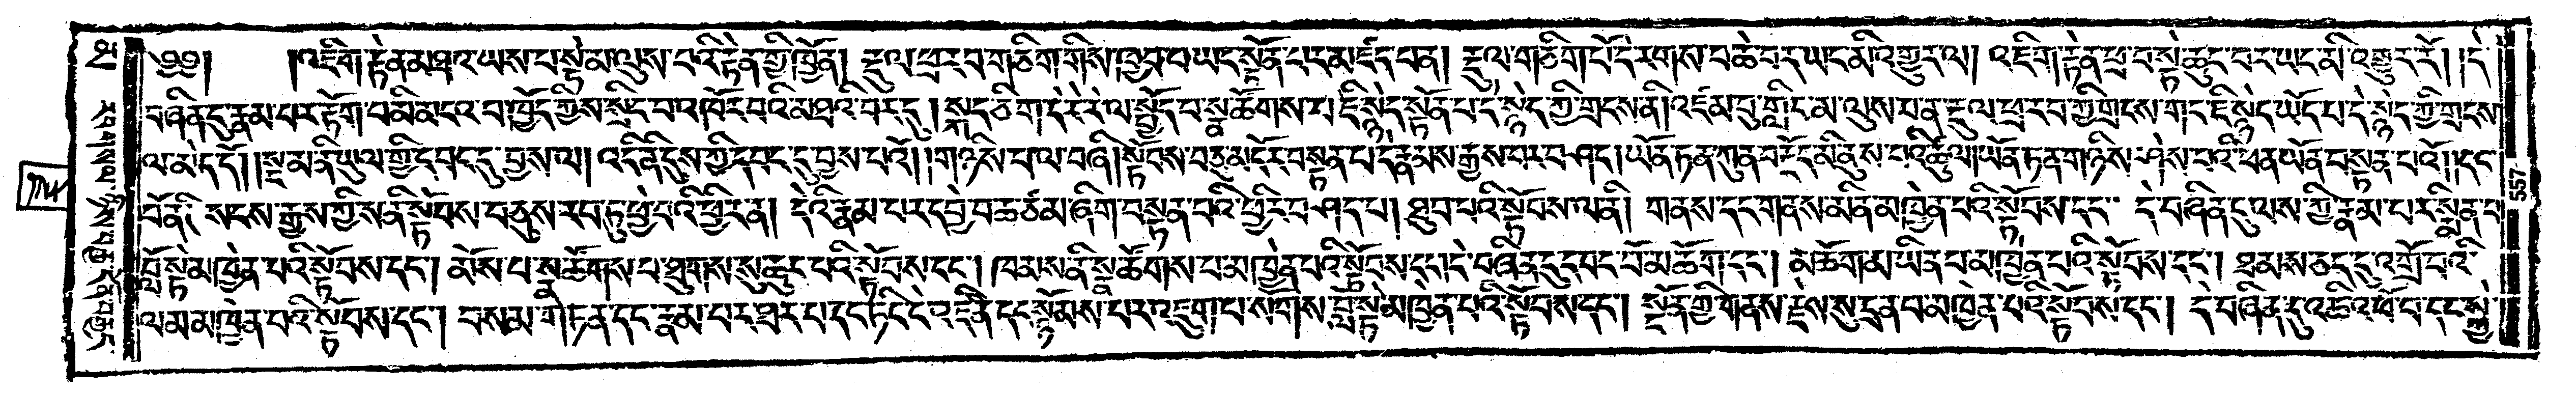༄༅། །འཇིག་རྟེན་མཐའ་ཡས་པ་སྟེ་མ་ལུས་པའི་རྟེན་གྱི་ཁྱོན། རྡུལ་ཕྲ་རབ་གཅིག་གིས་ཁྱབ་པ་ཡང་སྟོན་པར་མཛད་པ་ན། རྡུལ་གཅིག་པོ་དེ་རགས་པ་ཆེ་བར་ཡང་མི་འགྱུར་ལ། འཇིག་རྟེན་ཕྲ་བ་སྟེ་ཆུང་བར་ཡང་མི་འགྱུར་རོ། །དེ་
བཞིན་དུ་རྣམ་པར་རྟོག་པ་མི་མངའ་བ་ཁྱོད་ཀྱིས་སྲིད་པ་འཁོར་བའི་མཐའི་བར་དུ། སྐད་ཅིག་དེ་རེ་རེ་ལ་སྤྱོད་པ་སྣ་ཚོགས་པ་ཇི་སྙེད་སྟོན་པ་དེ་སྙེད་ཀྱི་གྲངས་ནི། འཛམ་བུ་གླིང་མ་ལུས་པ་ན་རྡུལ་ཕྲ་རབ་ཀྱི་གྲངས་གང་ཇི་སྙེད་ཡོད་པ་དེ་སྙེད་ཀྱི་གྲངས་
ལ་མེད་དོ། །སྔ་མ་ནི་ཡུལ་གྱི་དབང་དུ་བྱས་ལ། འདི་ནི་དུས་ཀྱི་དབང་དུ་བྱས་པའོ། །གཉིས་པ་ལ་བཞི། སྟོབས་བཅུ་མདོར་བསྟན་པ་དེ་རྣམས་རྒྱས་པར་བཤད། ཡོན་ཏན་ཀུན་བརྗོད་མི་ནུས་པའི་ཚུལ། ཡོན་ཏན་གཉིས་ཤེས་པའི་ཕན་ཡོན་བསྟན་པའོ། །དང་
པོ་ནི༑ སངས་རྒྱས་ཀྱི་ས་ནི་སྟབས་བཅུས་རབ་ཏུ་ཕྱེ་བའི་ཕྱིར་ན། དེའི་རྣམ་པར་དབྱེ་བ་ཆ་ཙམ་ཞིག་བསྟན་པའི་ཕྱིར་བཤད་པ། ཐུབ་པའི་སྟོབས་ལ་ནི། གནས་དང་གནས་མིན་མཁྱེན་པའི་སྟོབས་དང་། དེ་བཞིན་དུ་ལས་ཀྱི་རྣམ་པར་སྨིན་པ་
བློ་སྟེ་མཁྱེན་པའི་སྟོབས་དང་། མོས་པ་སྣ་ཚོགས་པ་ཐུགས་སུ་ཆུད་པའི་སྟོབས་དང་། ཁམས་ནི་སྣ་ཚོགས་པ་མཁྱེན་པའི་སྟོབས་དང་། དེ་བཞིན་དུ་དབང་པོ་མཆོག་དང་། མཆོག་མ་ཡིན་པ་མཁྱེན་པའི་སྟོབས་དང་། ཐམས་ཅད་དུ་འགྲོ་བའི་
ལམ་མཁྱེན་པའི་སྟོབས་དང་། བསམ་གཏན་དང་རྣམ་པར་ཐར་པ་དང་ཏིང་ངེ་འཛིན་དང་སྙོམས་པར་འཇུག་པ་སོགས་བློ་སྟེ་མཁྱེན་པའི་སྟོབས་དང་། སྔོན་གྱི་གནས་རྗེས་སུ་དྲན་པ་མཁྱེན་པའི་སྟོབས་དང་། དེ་བཞིན་དུ་འཆི་འཕོ་བ་དང་སྐྱེ་